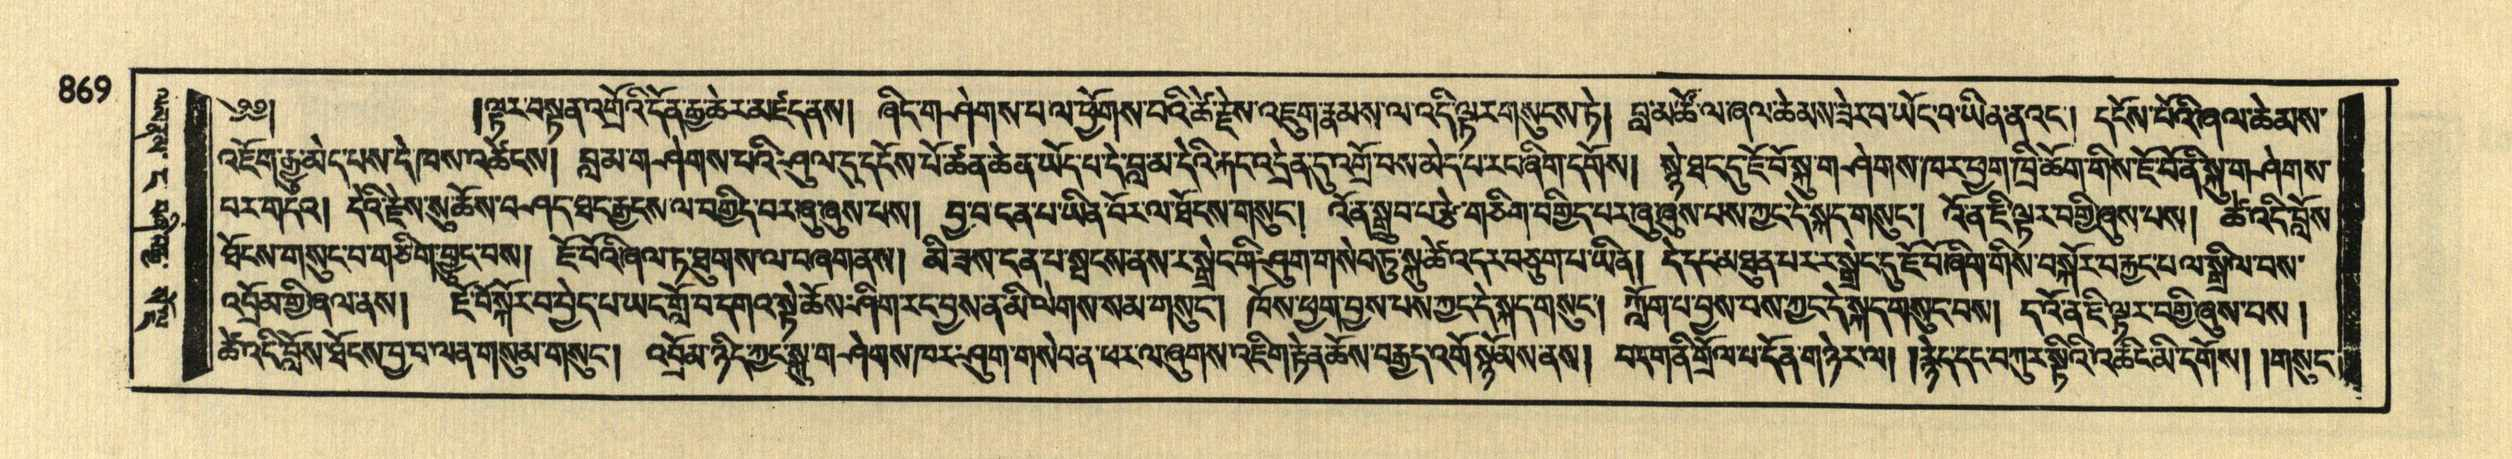༄༅། །ལྟར་བསྟན་འགྲོའི་དོན་རྒྱ་ཆེར་མཛད་ནས། ཞིང་གཤེགས་པ་ལ་ཕྱོགས་བའི་ཚེ་རྗེས་འཇུག་རྣམས་ལ་འདི་ལྟར་གསུངས་ཏེ། བླ་མ་ཚོ་ལ་ཞལ་ཆེམས་ཟེར་བ་ཡོང་བ་ཡིན་ནའང་། དངོས་པོའི་ཞལ་ཆེམས་
འཇོག་རྒྱུ་མེད་པས་དེ་ཁས་འཚེངས། བླ་མ་གཤེགས་པའི་ཤུལ་དུ་དངོས་པོ་ཚན་ཆེན་ཡོད་པ་དེ་བླ་མ་དེའི་རྐང་འདྲེན་དུ་འགྲོ་བས་མེད་པ་རང་ཞིག་དགོས། སྙེ་ཐང་དུ་ཇོ་བོ་སྐུ་གཤེགས་ཁར་ཕྱག་ཁྲི་ཆོག་གིས་ཇོ་བོ་ནི་སྐུ་གཤེགས་
པར་གདའ། དེའི་རྗེས་སུ་ཆོས་བཤད་ཐང་རྒྱངས་ལ་བགྱིད་བར་ཞུ་ཞུས་པས། བྱ་བ་ངན་པ་ཡིན་བོར་ལ་ཐོངས་གསུང་། འོ་ན་སྒྲུབ་པ་རྩེ་གཅིག་བགྱིད་པར་ཞུ་ཞུས་པས་ཀྱང་དེ་སྐད་གསུང་། འོ་ན་ཇི་ལྟར་བགྱི་ཞུས་པས། ཚེ་འདི་བློས་
ཐོངས་གསུང་བ་གཅིག་བྱུང་བས། ཇོ་བོའི་ཞལ་ཏ་ཐུགས་ལ་བཞག་ནས། མི་ཟས་ངན་པ་སྤངས་ནས་ར་སྒྲེང་གི་ཤུག་གསེབ་ཏུ་སྐུ་ཚེ་འདར་བཅུག་པ་ཡིན། དེ་དང་མཐུན་པར་ར་སྒྲེང་དུ་ཇོ་བོ་ཞིག་གིས་བསྐོར་བརྐྱང་པ་ལ་སྒྲིལ་བས་
འབྲོམ་གྱི་ཞལ་ནས། ཇོ་བོ་སྐོར་བ་བྱེད་པ་ཡང་གློ་བ་དགའ་སྟེ་ཆོས་ཤིག་རང་བྱས་ན་མི་ལེགས་སམ་གསུང་། ཁོས་ཕྱག་བྱས་པས་ཀྱང་དེ་སྐད་གསུང་། ཀློག་པ་བྱས་བས་ཀྱང་དེ་སྐད་གསུང་བས། ད་འོ་ན་ཇི་ལྟར་བགྱི་ཞུས་བས་།
ཚེ་འདི་བློས་ཐོངས་བྱ་བ་ལན་གསུམ་གསུང་། འབྲོམ་ཉིད་ཀྱང་སྐུ་གཤེགས་ཁར་ཤུག་གསེབ་ན་ཕར་ལ་ཞུགས་འཇིག་རྟེན་ཆོས་བརྒྱད་འགོ་སྙོམས་ནས། བདག་ནི་གྲོལ་པ་དོན་གཉེར་ལ། །རྙེད་དང་བཀུར་སྟིའི་འཆིང་མི་དགོས། །གསུང་